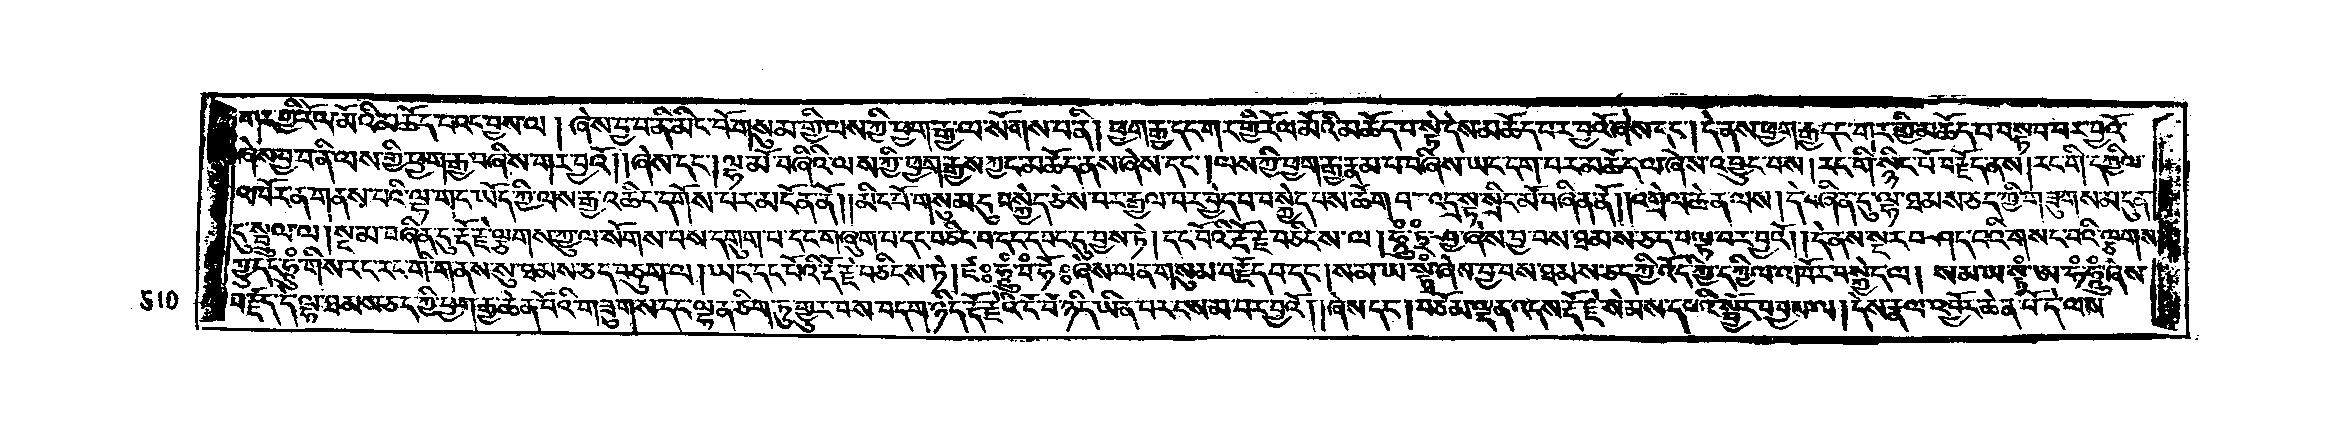གར་གྱི་རོལ་མོའི་མཆོད་པའང་བྱས་ལ། ཞེས་བྱ་བ་ནི་མིང་པོ་གསུམ་གྱི་ལས་ཀྱི་ཕྱག་རྒྱ་ལ་སོགས་པ་ནི། ཕྱག་རྒྱ་དང་གར་གྱི་རོལ་མོའི་མཆོད་པ་སྟེ་དེས་མཆོས་པར་བྱའོ་ཞེས་དང་། དེ་ནས་ཕྱག་རྒྱ་དང་གར་གྱི་མཆོད་པ་བསྟབ་པར་བྱའོ། །
ཞེས་བྱ་བ་ནི་ལས་གྱི་ཕྱག་རྒྱ་བཞིས་གར་བྱའོ། །ཞེས་དང་། ལྷ་མོ་བཞིའི་ལས་ཀྱི་ཕྱག་རྒྱས་ཀྱང་མཆོད་ནས་ཞེས་དང་། ལས་ཀྱི་ཕྱག་རྒྱ་རྣམ་པ་བཞིས་ཡང་དག་པར་མཆོད་ལ་ཞེས་འབྱུང་བས། རང་གི་སྙིང་པོ་བརྗོད་ནས། རང་གི་དཀྱིལ་
འཁོར་ན་གནས་པའི་ལྷ་གང་ཡོད་ཀྱི་ལས་རྒྱ་འཆིང་དགོས་པར་མངོན་ནོ། །མིང་པོ་གསུམ་དུ་བསྐྱེད་ཅེས་པར་རྒྱལ་བར་བྱེད་པ་སྐྱེད་པས་ཆོག་པ་འདྲ་སྟ་སྲིང་མོ་བཞིན་ནོ། །འགྲེལ་ཆེན་ལས། དེ་བཞིན་དུ་ལྷ་ཐམས་ཅད་ཀྱི་གཟུགས་མདུན་
དུ་སྦྲུལ་ལ། སྔ་མ་བཞིན་དུ་རྡོ་རྗེ་ལྕགས་ཀྱུ་ལ་སོགས་པས་དགུག་པ་དང་གཞུག་པ་དང་བཅིང་བ་དང་དབང་དུ་བྱས་ཏེ། དང་པོའི་རྡོ་རྗེ་བཅིངས་ལ། ཧཱུཾ་ཏྲཾ་ཤྱ་ཞེས་བྱ་བས་ཐམས་ཅད་བལྟ་བར་བྱའོ། །དེ་ནས་སྔར་བཤད་པའི་གསང་བའི་ལྕགས་
ཀྱུ་དང་ཧཱུཾ་གྱིས་རང་རང་གི་གནས་སུ་ཐམས་ཅད་བཅུག་ལ། ཡང་དང་པོའི་རྡོ་རྗེ་བཅིངས་ཏེ། ཛཿ ཧཱུཾ་བཾ་ཧོཿ ཞེས་ལན་གསུམ་བརྗོད་པ་དང་། ས་མ་ཡ་སྟྭཾ་ཞེས་བྱ་བས་ཐམས་ཅད་ཀྱི་འོད་ཀྱི་དཀྱིལ་འཁོར་བསྐྱེད་ལ། ས་མ་ཡ་སྟཾ་ཨ་ཧཾ་ཧཱུཾ་ཞེས་
བརྗོད་དེ་ལྷ་ཐམས་ཅད་ཀྱི་ཕྱག་རྒྱ་ཆེན་པོའི་གཟུགས་དང་ལྷན་ཅིག་ཏུ་གྱུར་བས་བདག་ཉིད་རྡོ་རྗེའི་ངོ་བོ་ཉིད་ཡིན་པར་བསམ་པར་བྱའོ། །ཞེས་དང་། བཅོམ་ལྡན་འདས་རྡོ་རྗེ་སེམས་དཔའི་སྦྱོར་བ་བྱས་ལ། དེས་རྣལ་འབྱོར་ཆེན་པོ་དེ་ལས་